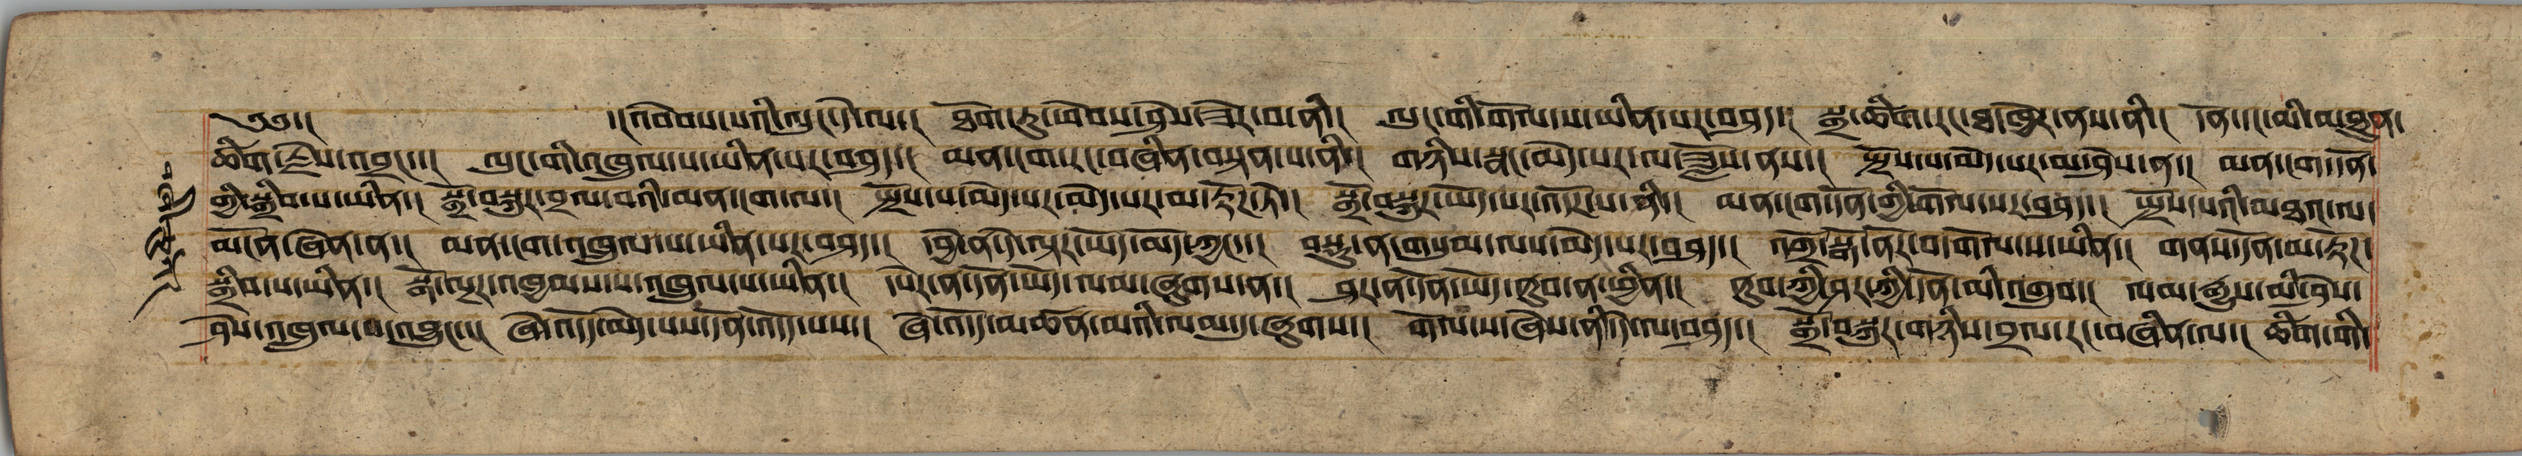༄༅་། ་།འབེབས་པའི་ལུང་དེ་ལ་། ཐོག་ཏུ་ཕེབས་ཤེས་ཟེར་བ་ནི་། ལུང་གི་གོལ་ས་ཡིན་པར་བཤད་། སྒྲ་ཚིག་རང་ཐ་ཁྱེར་ནས་ནི་། དོན་དང་མི་མཐུན་
ཚིག་རྗེས་འབྲང་་། ལུང་གི་འཁྲུལ་པ་ཡིན་པར་བཤད་། མན་ངག་རང་བཞིན་བསྟན་པ་ནི་། གཉིས་སྣང་མེད་པར་ལ་ཟློས་ནས་། སྤྲོས་པ་མེད་པར་མ་ཤེས་ན་། མན་ངག་དོན་
གྱི་སྒྲིབ་པ་ཡིན་། སྒྲོ་བསྐུར་བྲལ་བའི་མན་ངག་ལ་། སྤྲོས་པ་མེད་པར་མ་རྟོཌ་ཏེ་། སྒྲོ་བསྐུར་ཡོད་པར་འདོཌ་པ་ནི་། མན་ངག་དོན་གྱི་གོལ་སར་བཤད་། སྤྲོས་པའི་མཐའ་ལ་
མངོན་ཞེན་ན་། མན་ངག་འཁྲུལ་པ་ཡིན་པར་བཤད་། དབྱེ་ན་དེ་ལྟར་ཡོད་མེད་ཀྱང་་། བསྡུ་ན་གསུམ་ལས་མེད་པར་བཤད་། འགྲོ་སྒོ་ནོར་བ་གོལ་ས་ཡིན་། གནས་དོན་མ་རྟོཌ་
སྒྲིབ་པ་ཡིན་། སྒོ་ལྔར་འཁྱམས་ས་འཁྲུལ་པ་ཡིན་། དཔེར་ན་དོན་ཡོད་ལམ་ཞུགས་ན་། ཤར་ན་དོན་ཡོད་ནུབ་ན་ཕྱིན་། ནུབ་ཀྱི་ཤར་གྱི་དོན་མི་འགྲུབ་། ལམ་རྒྱུས་མི་ཤེས་
ཤེས་འཁྲུལ་བ་འབྱུང་་། ཞེ་འདོད་མེད་པས་དོན་འདོད་པས་། ཞེ་འདོད་མཚན་མའི་ལམ་དུ་ཞུགས་། གོལ་པ་ཞེས་ནི་དེ་ལ་བཤད་། སྒྲོ་བསྐུར་གཉིས་བྲལ་རང་བཞིན་ལ་། ཚིག་གི་